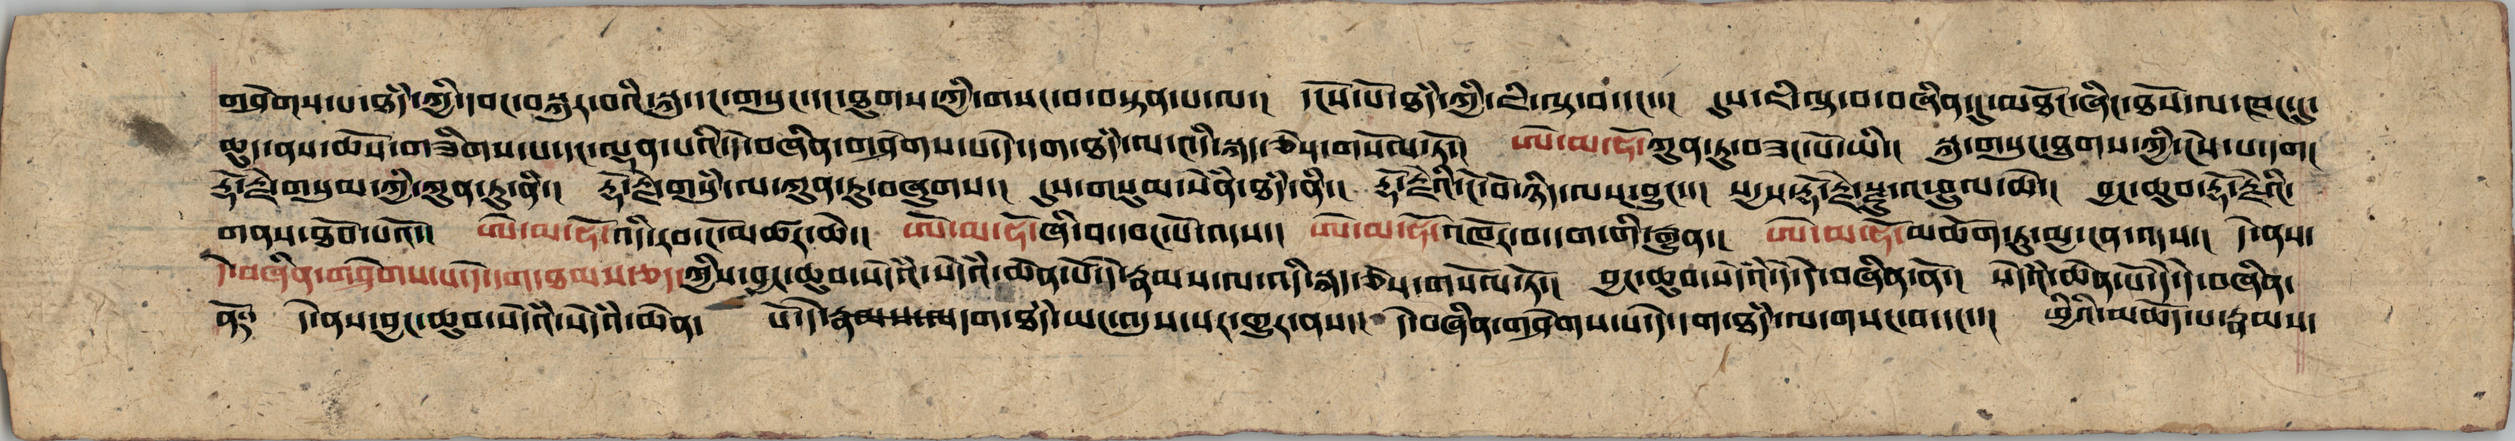གཤེགས་པ་ཐདཾ་ཀྱི་དབང་བསྐུར་བའི་སྐུ་དང་གསུང་དང་ཐུགས་ཀྱི་གསང་བ་བསྟན་པ་ལ་། དངོས་པོ་ཐདཾ་ཀྱི་ཇི་ལྟ་བ་དང་་། དུས་ཇི་ལྟ་བ་བཞིན་དུ་མཐོང་ཞིང་ཐོས་ལ་ཁང་དུ་
ཆུད་ནས་ཆོས་གཟིགས་པ་དང་ལྡན་པའི་དེ་བཞིན་གཤེགས་པ་དེ་དག་ཐཾད་ལ་འདི་སྐད་ཅེས་གསོལ་ཏོ་། ཨེ་མ་ཧོ་ཀུན་ཏུ་བཟང་པོ་ཡི་། སྐུ་གསུང་ཐུགས་ཀྱི་ངེས་པ་དག།
རྡོ་རྗེ་གསུམ་གྱི་ཀུན་ཏུ་ནི་། རྡོ་རྗེ་གསུཾ་ལ་ཀུན་ཏུ་བཞུགས་། དུས་གསུམ་སེནཾ་ཐཾད་ནི་། རྡོ་རྗེ་ངོ་བོ་ཉིད་ལས་བྱུང་་། སདྱས་རྡོ་རྗེ་སྫུ་འཕྲུལ་ཆེ་། བྱང་ཆུབ་རྡོ་རྗེའི་
གནས་ཐོབ་པའོ་། ཨེ་མ་ཧོ་འདི་རབ་ངོ་མཚར་ཆེ་། ཨེ་མ་ཧོ་ཞི་བ་དབང་པོ་འདས་། ཨེ་མ་ཧོ་འཁོར་བ་དག་གི་རྒྱུན་། ཨེ་མ་ཧོ་མཆོག་ཏུ་མྱ་ངན་འདས་། དེ་ནས་
དེ་བཞིན་གཤེགས་པ་དེ་དག་ཐམས་ཅད་ཀྱིས་བྱང་ཆུབ་སེདཾའ་སེདཾའ་ཆེན་པོ་དེ་རྣམས་ལ་འདི་སྐད་ཅེས་གསོལ་ཏོ་། བྱང་ཆུབ་སེདཾའ་དེ་དེ་བཞིན་ནོ་། སེདཾའ་ཆེན་པོ་དེ་དེ་བཞིན་
ནོ༑ དེ་ནས་བྱང་ཆུབ་སེདཾའ་སེདཾའ་ཆེན་ པོ་དེ་རྣམས་ལདག་ཐཾད་ཡང་འདུས་པར་གྱུར་ནས་། དེ་བཞིན་གཤེགས་པ་དེ་དག་ཐཾད་ལ་གསང་བ་དང་་། ཕྱིའི་མཆོད་པ་རྣམས་